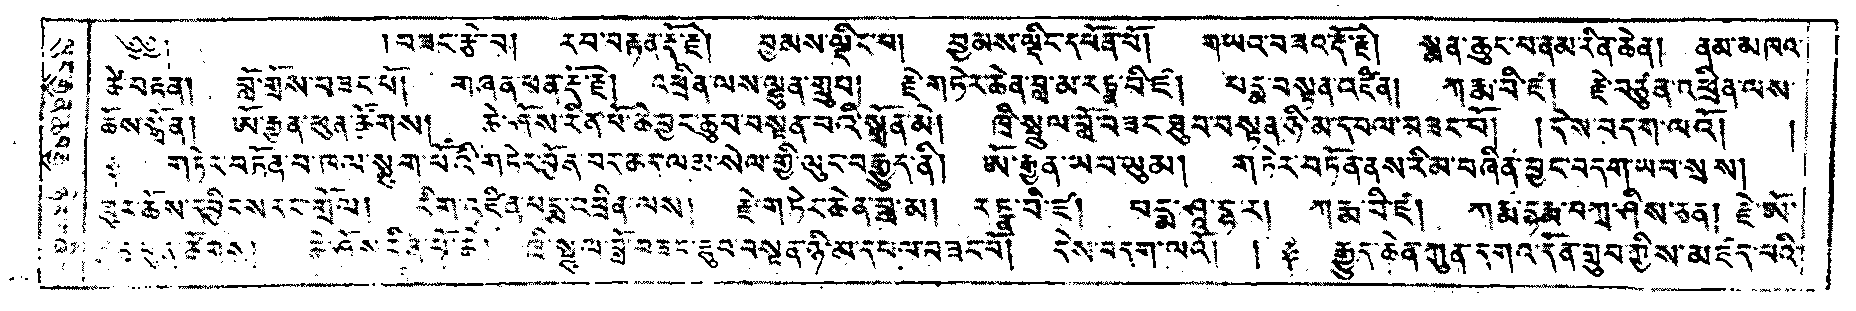༄༅། །བཟང་རྩེ་བ། རབ་བརྟན་རྡོ་རྗེ། བྱམས་ལྡིང་པ། བྱམས་ལྡིང་དཔོན་པོ། གཡའ་བཟའ་རྡོ་རྗེ། སྨན་ཆུང་བ་ནམ་རིན་ཆེན། ནམ་མཁའ་
ཚེ་བརྟན། བློ་གྲོས་བཟང་པོ། གཞན་ཕན་རྡོ་རྗེ། འཕྲིན་ལས་ལྷུན་གྲུབ། རྗེ་གཏེར་ཆེན་བླ་མ་རཏྣ་བི་ཛ། པདམ་བསྟན་འཛིན། ཀརྨ་བི་ཛ། རྗེ་བཙུན་འཕྲིན་ལས་
ཆོས་སྒྲོན། ཨོ་རྒྱན་ཕུན་ཚོགས། ཆེ་ཤོས་རིན་པོ་ཆེ་བྱང་ཆུབ་བསྟན་པའི་སྒྲོན་མེ། ཁྲི་སྤྲུལ་བློ་བཟང་ཐུབ་བསྟན་ཉི་མ་དཔལ་བཟང་པོ། །དེས་བདག་ལའོ། །
༈ གཏེར་བཏོན་བ་ཁལ་སྨུག་པོའི་གཏེར་བྱོན་བར་ཆད་ལམ་སེལ་གྱི་ལུང་བརྒྱུད་ནི། ཨོ་རྒྱན་ཡབ་ཡུམ། གཏེར་བཏོན་ནས་རིམ་བཞིན་བྱང་བདག་ཡབ་སྲས།
ཟུར་ཆོས་དབྱིངས་རང་གྲོལ། རིག་འཛིན་པདམ་འཕྲིན་ལས། རྗེ་གཏེར་ཆེན་བླ་མ། རཏྣ་བི་ཛ། པདམ་ཤཱ་དྷ་ར། ཀརྨ་བི་ཛ། ཀ་རྨ་དྷརྨ་བཀྲ་ཤིས་ཅན། རྗེ་ཨོ་
རྒྱན་ཕུན་ཚོགས། ཆེ་ཤོས་རིན་པོ་ཆེ། ཁྲི་སྤྲུལ་བློ་བཟང་ཐུབ་བསྟན་ཉི་མ་དཔལ་བཟང་པོ། དེས་བདག་ལའོ། ། ༈ རྒྱུད་ཆེན་ཀུན་དགའ་དོན་གྲུབ་ཀྱིས་མཛད་པའི་